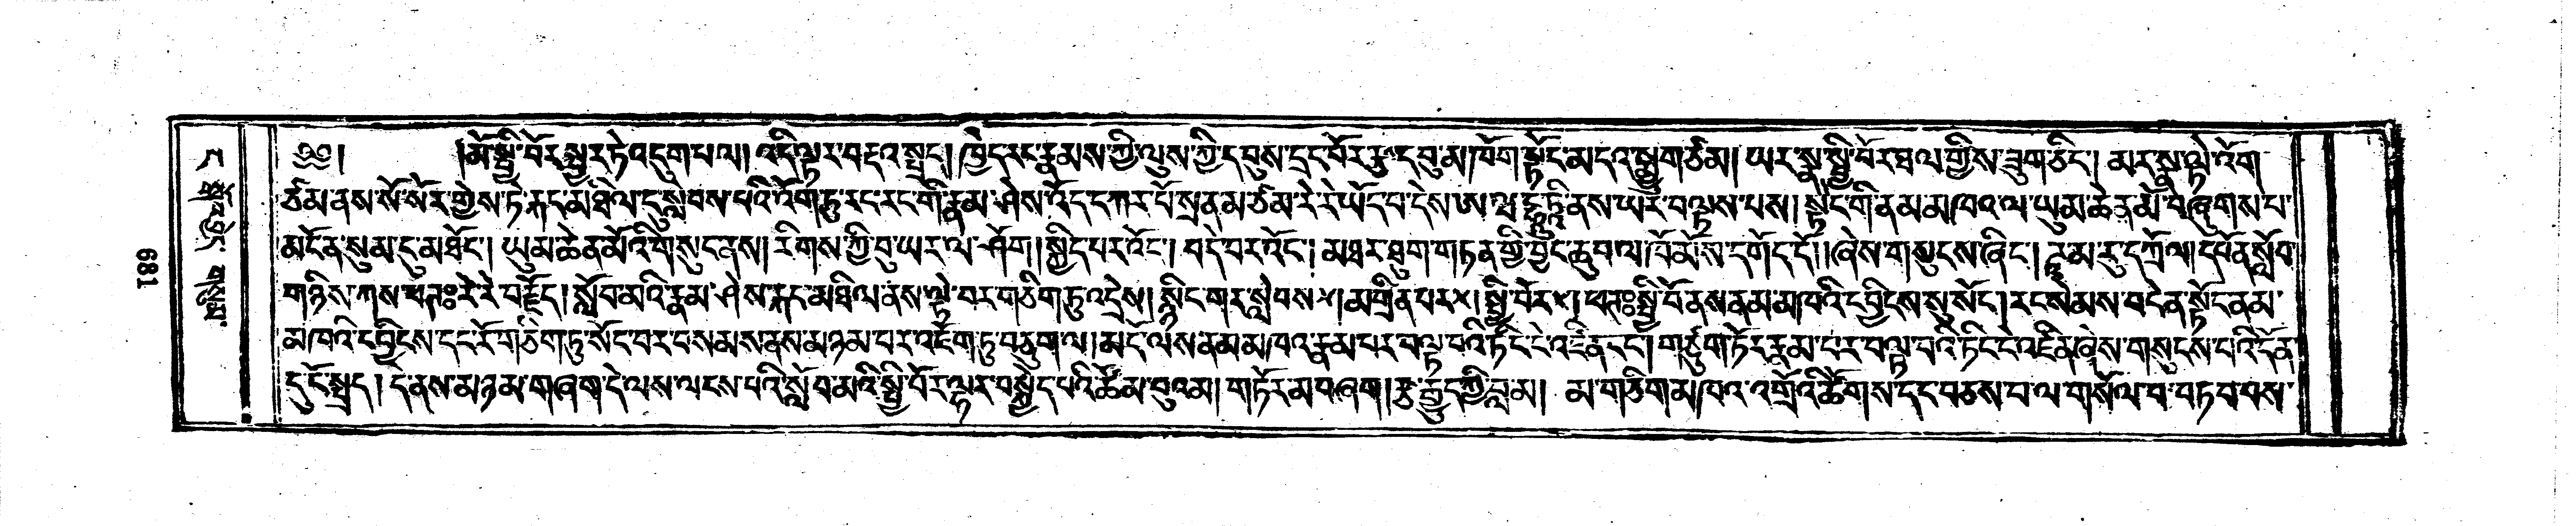༄༅། །མོ་སྤྱི་བོར་སྦྱར་ཏེ་འདུག་པ་ལ། འདི་ལྟར་བརྡའ་སྤྲད། ཁྱེད་རང་རྣམས་ཀྱི་ལུས་ཀྱི་དབུས་དྲང་པོར་རྩ་དབུ་མ་ཁོག་སྟོང་མདའ་སྨྱུག་ཙམ། ཡར་སྣ་སྤྱི་བོར་ཐལ་གྱིས་ཟུག་ཅིང་། མར་སྣ་ལྟེ་འོག་
ཙམ་ནས་སོ་སོར་གྱེས་ཏེ་རྐང་མཐིལ་དུ་སླེབས་པའི་འོག་ཏུ་རང་རང་གི་རྣམ་ཤེས་འོད་དཀར་པོ་སྲན་མ་ཙམ་རེ་རེ་ཡོད་པ་དེས་ཨ་ཝ་དྷཱུ་ཏཱི་ནས་ཡར་བལྟས་པས། སྟེང་གི་ནམ་མཁའ་ལ་ཡུམ་ཆེན་མོ་བཞུགས་པ་
མངོན་སུམ་དུ་མཐོང་། ཡུམ་ཆེན་མོའི་གསུང་ནས། རིགས་ཀྱི་བུ་ཡར་ལ་ཤོག །སྐྱིད་པར་འོང་། བདེ་བར་འོང་། མཐར་ཐུག་གཏན་གྱི་བྱང་ཆུབ་ལ་ཁོ་མོས་དགོད་དོ། །ཞེས་གསུངས་ཞིང་། ཌཱ་མ་རུ་དཀྲོལ་དཔོན་སློབ་
གཉིས་ཀས་ཕཊཿ རེ་རེ་བརྗོད། སློབ་མའི་རྣམ་ཤེས་རྐང་མཐིལ་ནས་ལྟེ་བར་གཅིག་ཏུ་འདྲེས། སྙིང་གར་སླེབས་྾། མགྲིན་པར་྾། སྤྱི་བོར་྾། ཕཊཿ སྤྱི་བོ་ནས་ནམ་མཁའི་དབྱིངས་སུ་སོང་། རང་སེམས་བདེན་སྟོང་ནམ་
མཁའི་དབྱིངས་དང་རོ་གཅིག་ཏུ་སོང་བར་བསམས་ནས་མཉམ་པར་འཇོག་ཏུ་བཅུག་ལ། མདོ་ལས་ནམ་མཁའ་རྣམ་པར་བལྟ་བའི་ཏིང་ངེ་འཛིན་དང་། གཙུག་ཏོར་རྣམ་པར་བལྟ་བའི་ཏིང་ངེ་འཛིན་ཞེས་གསུངས་པའི་དོན་
དུ་ངོ་སྤྲད། དེ་ནས་མཉམ་གཞག་དེ་ལས་ལངས་པའི་སློབ་མའི་སྤྱི་བོར་ལྷར་བསྐྱེད་པའི་ཚོམ་བུའམ། གཏོར་མ་བཞག །རྩ་རྒྱུད་ཀྱི་བླ་མ། མ་གཅིག་མཁའ་འགྲོའི་ཚོགས་དང་བཅས་པ་ལ་གསོལ་བ་བཏབ་པས་